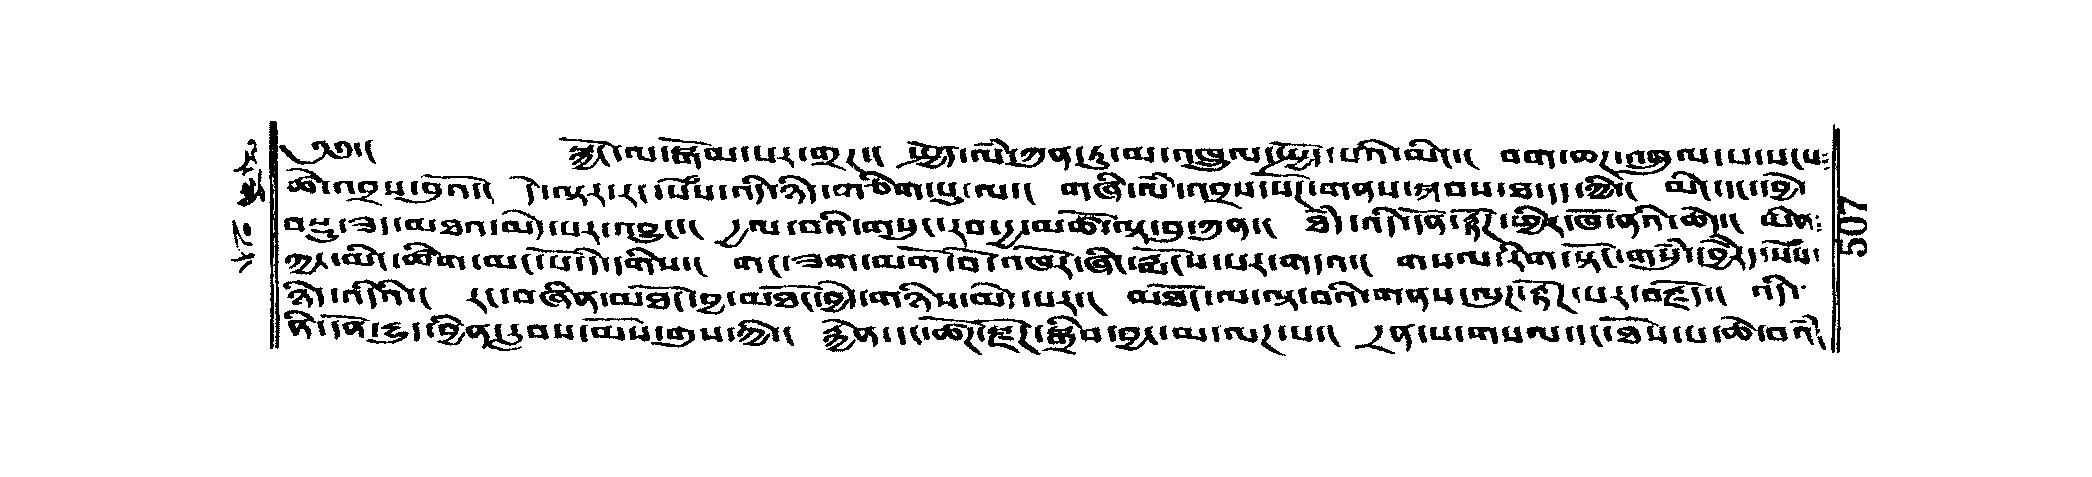སྐྱོང་ལ་སྒོམ་པར་གྲགས། །སྤྱོད་ལམ་ཀུན་ཏུ་མ་འཁྲུལ་སྤྱོད་པའི་མིང་། །བག་ཆགས་འཁྲུལ་པ་སངས་
ཚེ་འབྲས་བུའོ། །དེ་ལྟར་རང་སེམས་འདི་ཉིད་གཅིག་པུ་ལ། །གཞི་ལམ་འབྲས་སོགས་གནས་སྐབས་ཐ་དད་ཀྱི། །མིང་དང་དབྱེ་
བསྡུ་ཟད་མཐའ་མེད་པར་འབྱུང་། །རྒྱལ་བའི་གསུང་རབ་རྒྱ་མཚོ་ལྟ་བུ་ཀུན། །ཐམས་ཅད་འདི་དོན་རྟོགས་ཕྱིར་ཁོ་ནའི་ཆེད། །ཡིན་
ཀྱང་མིང་ཚིག་མང་པོ་དེ་དག་གིས། །གང་ཟག་མགོ་བོ་འཁོར་ཞིང་རྨོངས་པར་གདའ། །གསལ་རིག་སྟོང་གསུམ་དབྱེར་མེད་སེམས་
ཉིད་འདིའི། །རང་བཞིན་མཐོང་བྱ་མཐོང་བྱེད་གཉིས་མེད་པར། །མཐོང་ལ་ལྟ་བའི་གནས་ལུགས་རྟོགས་པར་བརྗོད། །འདི་
ནི་དོན་རྒྱུད་བྱིན་རླབས་མོས་གུས་ཀྱི། །རྐྱེན་དང་ཚོགས་རྫོགས་སྒྲིབ་བྱང་མ་ལགས་པ། །དྲན་པ་གསལ་དང་ཐོས་པ་ཆེ་བའམ།